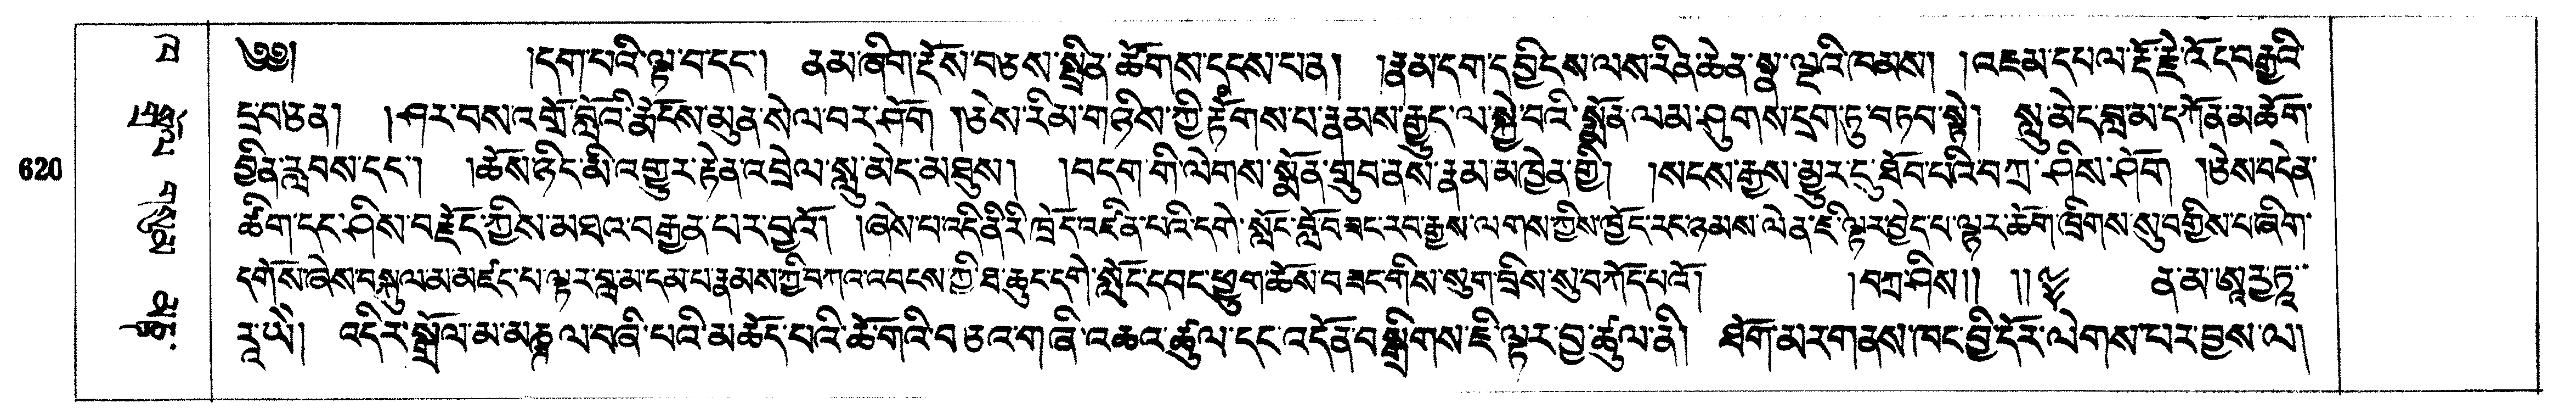༄༅། །དག་པའི་ལྟ་བ་དང་། ནམ་ཞིག་རྡོས་བཅས་སྤྲིན་ཚོགས་དངས་པ་ན། །རྣམ་དག་དབྱིངས་ལས་རིན་ཆེན་སྣ་ལྔའི་ཁམས། །འཇམ་དཔལ་རྡོ་རྗེ་འོད་?་བརྒྱའི་
དྲ་བ་ཅན། །ཤར་བས་འགྲོ་བློའི་རྨོངས་མུན་སེལ་བར་ཤོག །ཅེས་རིམ་གཉིས་ཀྱི་རྟོཾགས་?་པ་རྣམས་རྒྱུད་ལ་སྐྱེ་བའི་སྨོན་ལམ་ཤུགས་དྲག་ཏུ་བཏབ་སྟེ། སླུ་མེད་བླ་མ་དཀོན་མཆོག་
བྱིན་རླབས་དང་། །ཆོས་ཉིད་མི་འགྱུར་རྟེན་འབྲེལ་སླུ་མེད་མཐུས། །བདག་གི་ལེགས་སྨོན་གྲུབ་ནས་རྣམ་མཁྱེན་གྱི། །སངས་རྒྱས་མྱུར་དུ་ཐོབ་པའི་བཀྲ་ཤིས་ཤོག །ཅེས་བདེན་
ཚིག་དང་ཤིས་བརྗོད་ཀྱིས་མཐའ་བརྒྱན་པར་བྱའོ། །ཞེས་པ་འདི་ནི་རི་ཁྲོད་འཛིན་པའི་དགེ་སློང་བློ་བཟང་རབ་རྒྱས་ལགས་ཀྱིས་ཁྱོད་རང་ཉམས་ལེན་ཇི་ལྟར་བྱེད་པ་ལྟར་ཆོག་ཁྲིགས་སུ་བགྱིས་པ་ཞིག་
དགོས་ཞེས་བསྐུལ་མ་མཛད་པ་ལྟར་བླ་མ་དམ་པ་རྣམས་ཀྱི་བཀའ་འབངས་ཀྱི་ཐ་ཆུང་དགེ་སློང་དབང་ཕྱུག་ཆོས་བཟང་གིས་སུག་བྲིས་སུ་བཀོད་པའོ། །བཀྲ་ཤིས།། །། ༈ ན་མ་ཨཱརྱ་ཏཱ་
རཱ་ཡཻ། འདིར་སྒྲོལ་མ་མཎྜ་བཞི་པའི་མཆོད་པའི་ཆོ་གའི་བཅའ་གཞི་འཆའ་ཚུལ་དང་འདོན་བསྒྲིགས་ཇི་ལྟར་བྱ་ཚུལ་ནི། ཐོག་མར་གནས་ཁང་བྱི་དོར་ལེགས་པར་བྱས་ལ།